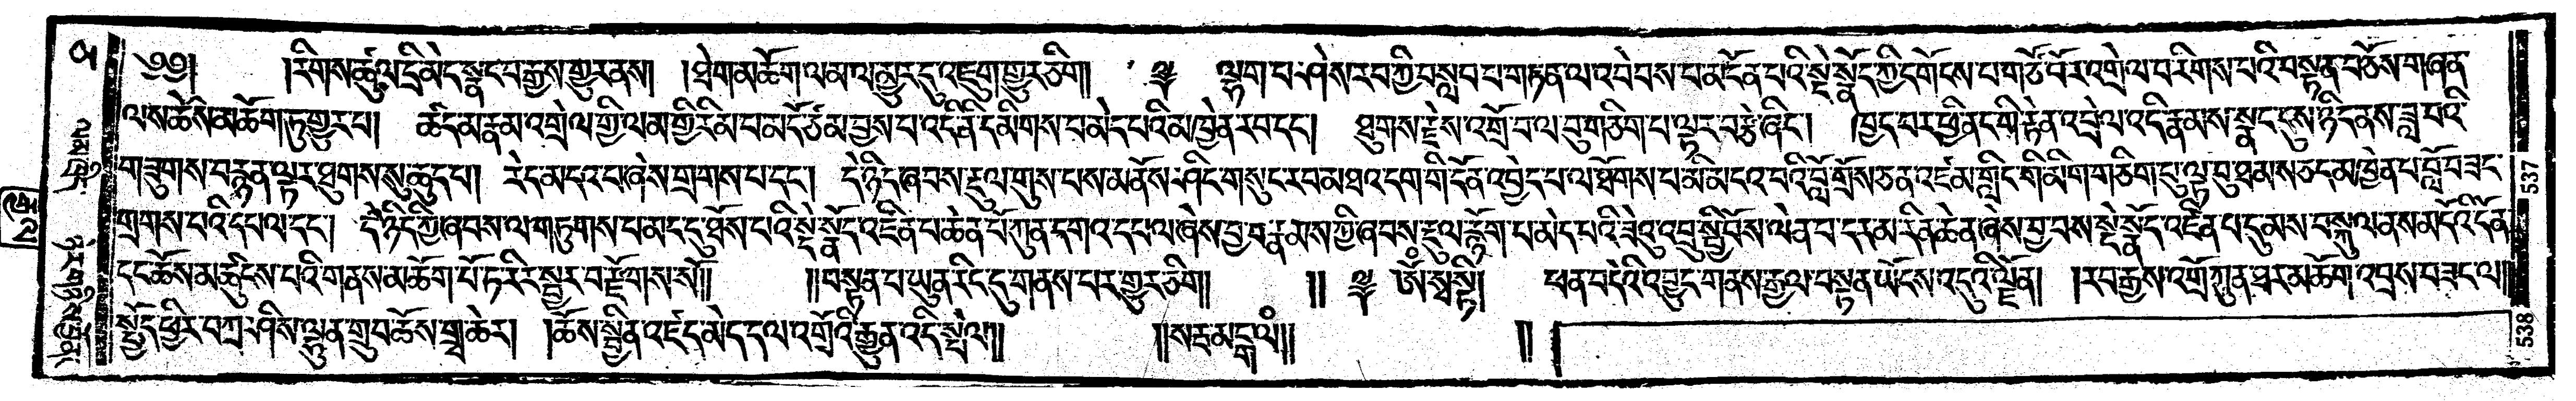༄༅། །རིགས་ཚུལ་དྲི་མེད་སྣང་བ་རྒྱས་གྱུར་ནས། །ཐེག་མཆོག་ལམ་ལ་མྱུར་དུ་འཇུག་གྱུར་ཅིག། ༈ ལྷག་པ་ཤེས་རབ་ཀྱི་བསླབ་པ་གཏན་ལ་འབེབས་པ་མངོན་པའི་སྡེ་སྣོད་ཀྱི་དགོངས་པ་གཙོ་བོར་འགྲེལ་པ་རིགས་པའི་བསྟན་བཅོས་གཞན་
ལས་ཚེས་མཆོག་ཏུ་གྱུར་པ། ཚད་མ་རྣམ་འགྲེལ་གྱི་ལམ་གྱི་རིམ་པ་མདོ་ཙམ་བྱས་པ་འདི་ནི་དམིགས་པ་མེད་པའི་མཁྱེན་རབ་དང་། ཐུགས་རྗེས་འགྲོ་བ་ལ་བུ་གཅིག་པ་ལྟར་བརྩེ་ཞིང་། ཁྱད་པར་ཕྱི་ནང་གི་རྟེན་འབྲེལ་འདི་རྣམས་སྣང་དུས་ཉིད་ནས་ཟླ་བའི་
གཟུགས་བརྙན་ལྟར་ཐུགས་སུ་ཆུད་པ། རེད་མདའ་བ་ཞེས་གྲགས་པ་དང་། དེ་ཉིད་ཞབས་རྡུལ་གུས་པས་མནོས་ཤིང་གསུང་རབ་མཐའ་དག་གི་དོན་འབྱེད་པ་ལ་ཐོགས་པ་མི་མངའ་བའི་བློ་གྲོས་ཅན་འཛམ་གླིང་གི་མིག་གཅིག་པུ་ལྟ་བུ་ཐམས་ཅད་མཁྱེན་པ་བློ་བཟང་
གྲགས་པའི་དཔལ་དང་། དེ་ཉིད་ཀྱི་ཞབས་ལ་གཏུགས་པ་མང་དུ་ཐོས་པའི་སྡེ་སྣོད་འཛིན་པ་ཆེན་པོ་ཀུན་དགའ་དཔལ་ཞེས་བྱ་བ་རྣམས་ཀྱི་ཞབས་རྡུལ་རྙོག་པ་མེད་པའི་ཟེའུ་འབྲུ་སྤྱི་བོས་ལེན་པ་དར་མ་རིན་ཆེན་ཞེས་བྱ་བས་སྡེ་སྣོད་འཛིན་པ་ལྟ་དུ་མས་བསྐུལ་ནས་མདོའི་དོན་
དང་ཆོས་མཚུངས་པའི་གནས་མཆོག་པོ་ཏ་རིར་སྦྱར་བ་རྫོགས་སོ།། །།བསྟན་པ་ཡུན་རིང་དུ་གནས་པར་གྱུར་ཅིག། །། ༈ ཨོཾ་སྭསྟི། ཕན་བདེའི་འབྱུང་གནས་རྒྱལ་བསྟན་ཡོངས་འདུའི་ལྗོན། །རབ་རྒྱས་འགྲོ་ཀུན་ཐར་མཆོག་འབྲས་བཟང་ལ། །
སྤྱོད་ཕྱིར་བཀྲ་ཤིས་ལྷུན་གྲུབ་ཆོས་གྲྭ་ཆེར། །ཆོས་སྦྱིན་འཛད་མེད་དལ་འགྲོའི་རྒྱུན་འདི་སྤེལ།། །།སརྦ་མངྒ་ལཾ།། །།